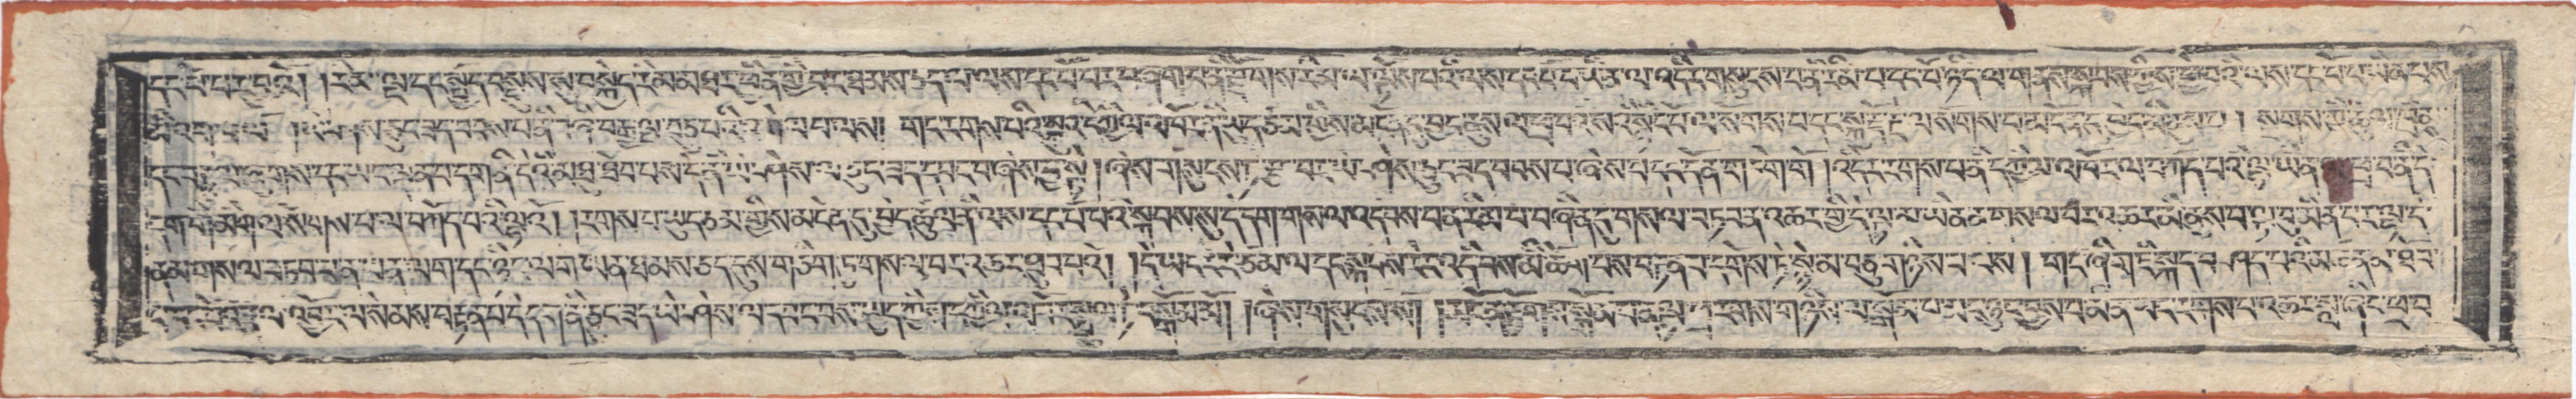དང་པོ་བར་བྱའོ། །རིམ་ལྔ་དང་སྤྱོད་བསྡུས་སུ་བསྐྱེད་རིམ་མཐར་ཕྱིན་གྱི་བར་ཐམས་ཅད་ལ་ལས་དང་པོ་པར་བཞག་པ་ནི་རྫོགས་རིམ་ལ་ལྟོས་པའི་ལས་དང་པོ་པ་ཡིན་ལ་འདིར་གསུངས་པ་ནི་རིམ་པ་དང་པོ་ཉིད་ལ་གནས་སྐབས་ཀྱིས་ཕྱེ་བའི་ལས་དང་པོ་པ་ཡིན་པས་
མི་འགལ་ལོ། །ཡེ་ཤེས་ཅུང་ཟད་བབས་པ་ནི་བཞི་བརྒྱ་ལྔ་བཅུ་པའི་འགྲེལ་པ་ལས། གང་རགས་པའི་སྐུའི་དཀྱིལ་འཁོར་ནི་ཡུད་ཙམ་གྱིས་མངོན་དུ་བྱེད་ནུས་ལ་ཕྲ་བའི་སའི་སྙིང་པོ་ལ་སོགས་པ་དང་སྐུ་རྡོ་རྗེ་ལ་སོགས་པ་མངོན་དུ་བྱེད་མི་ནུས་པ། སྔགས་ཀྱི་ཚུལ་ཁྲིམས་
དང་བརྟུལ་ཞུགས་དང་ཡང་ལྡན་པ་དག་ནི་དེའི་མཐུ་ཐོབ་པས་དེ་ནི་ཡེ་ཤེས་ལ་ཅུང་ཟད་དབང་བ་ཞེས་བྱ་སྟེ། ཞེས་གསུངས་ཏེ་རྩ་བར་ཡེ་ཤེས་ཅུང་ཟད་བབས་པ་ཞེས་པ་དང་དོན་གཅིག་གོ །འདིར་རགས་པ་ནི་དཀྱིལ་འཁོར་ལ་བཀོད་པའི་ལྷ་ཡིན་ལ་ཕྲ་བ་ནི་དེ་
དག་གི་མིག་ལ་སོགས་པ་ལ་བཀོད་པའི་ལྷའོ། །རགས་པ་ཡུད་ཙམ་གྱིས་མངོན་དུ་བྱེད་ཚུལ་ནི་ལས་དང་པོ་པའི་སྐབས་སུ་དེ་དག་གསལ་འདེབས་པ་ན་རིམ་པ་བཞིན་དུ་གསལ་བཏབ་ན་འཆར་གྱི་དེ་ལྟ་མ་ཡིན་ན་གསལ་བར་འཆར་མི་ནུས་པ་ལྟ་བུ་མིན་པར་ལྷ་དེ་
ནམ་གསལ་བཏབ་པ་ན་ཡན་ལག་དང་ཉིད་ལག་ཡན་ཐམས་ཅད་དུས་གཅིག་ཏུ་གསལ་བར་འཆར་ཐུབ་པའོ། །དེ་ཡང་རེ་རེ་ཙམ་ལ་དང་སྐབས་རེར་འདི་བས་མི་ཆོག་པས་བརྟན་པ་དགོས་ཏེ་སྙེ་མ་བཅུ་གཉིས་པ་ལས། གང་ཞིག་ཇི་སྐད་བཤད་པའི་མཚན་མ་ཐོབ་
པ་དང་པོའི་རྣལ་འབྱོར་ལ་སེམས་བརྟན་པ་དེ་དག་ནི་ཅུང་ཟད་ཡེ་ཤེས་ལ་དབང་བས་ཡུད་ཀྱིས་དཀྱིལ་འཁོར་སྤྲུལ་ཏེ་བསྒོམ་མོ། །ཞེས་གསུངས་སོ། །མངོན་རྟོགས་སྒོམ་པ་ན་ལྷ་ཕྲ་རགས་གཉིས་ལ་སྒོམ་པ་མང་ཉུང་བྱས་པ་མིན་ཡང་རགས་པ་འཆར་སླ་ཞིང་ཕྲ་བ་